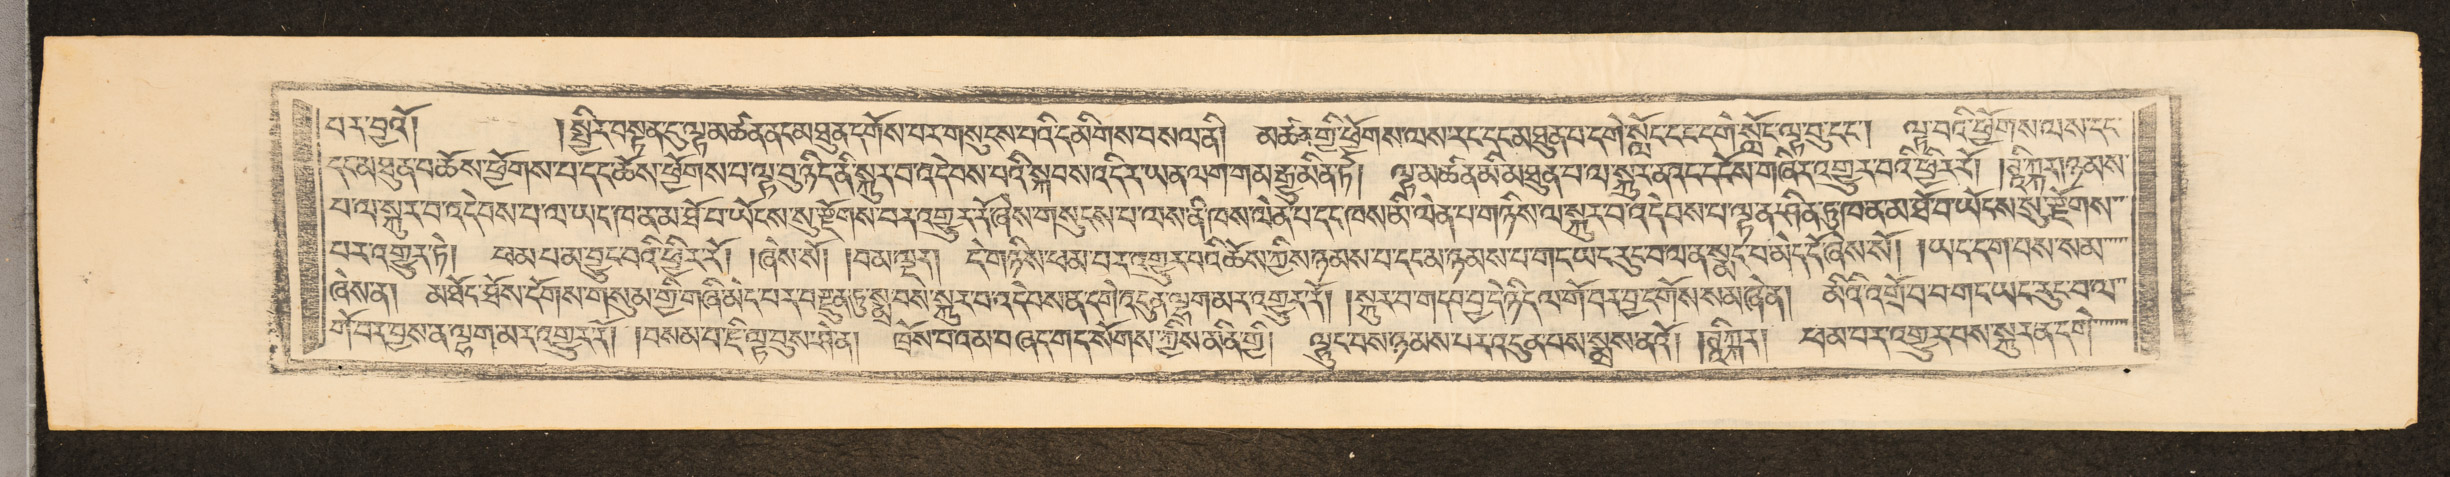པར་བྱའོ། །སྤྱིར་བསྟན་དུ་ལྟ་མཚན་ནང་མཐུན་དགོས་པར་གསུངས་པའི་དམིགས་བསལ་ནི། མཚན་གྱི་ཕྱོགས་ལས་རང་དང་མཐུན་པ་དགེ་སློང་དང་དགེ་སློང་ལྟ་བུ་དང་། ལྟ་བའི་ཕྱོགས་ལས་རང་
དང་མཐུན་པ་ཆོས་ཕྱོགས་པ་དང་ཆོས་ཕྱོགས་པ་ལྟ་བུ་ཉིད་ནི་སྐུར་བ་འདེབས་པའི་སྐབས་འདིར་ཡན་ལག་གམ་རྒྱུ་མིན་ཏེ། ལྟ་མཚན་མི་མཐུན་པ་ལ་སྐུར་ནའང་དངོས་གཞིར་འགྱུར་བའི་ཕྱིར་རོ། །ཊཱིཀྐར། ཉམས་
པ་ལ་སྐུར་བ་འདེབས་པ་ལ་ཡང་ཁ་ན་མ་ཐོ་པ་ཡོངས་སུ་རྫོགས་པར་འགྱུར་རོ་ཞེས་གསུངས་པ་ལས་ན་ཁས་ལེན་པ་དང་ཁས་མི་ལེན་པ་གཉིས་ལ་སྐུར་བ་འདེབས་པ་ལྟ་ན་ཤིན་ཏུ་ཁ་ན་མ་ཐོ་བ་ཡོངས་སུ་རྫོགས་
པར་འགྱུར་ཏེ། ཕམ་པ་མ་བྱུང་བའི་ཕྱིར་རོ། །ཞེས་སོ། །བམ་ལྡར། དེ་གཉིས་ཕམ་པར་འགྱུར་པའི་ཆོས་ཀྱིས་ཉམས་པ་དང་མ་ཉམས་པ་གང་ཡང་རུང་བ་ལ་ན་སྨད་པ་མེད་དོ་ཞེས་སོ། །ཡང་དག་པས་སམ་
ཞེས་ན། མཐོང་ཐོས་དོགས་གསུམ་གྱི་གཞི་མེད་པར་བརྫུན་ཏུ་སྨྲ་བས་སྐུར་བ་འདེབས་ན་དགེ་འདུན་ལྷག་མར་འགྱུར་རོ། །སྐུར་བ་གདབ་བྱ་དེ་ཉིད་ལ་གོ་བར་བྱ་དགོས་སམ་ཞེ་ན། མིའི་འགྲོ་བ་གང་ཡང་རུང་བ་ལ་
གོ་བར་བྱས་ན་ལྷག་མར་འགྱུར་རོ། །བསམ་པ་ཇི་ལྟ་བུས་ཤེ་ན། ཁྲོས་པ་འམ་བཞད་གད་སོགས་ཀྱིས་མིན་གྱི། ལྟུང་བས་ཉམས་པར་འདུན་པས་སྨྲས་ནའོ། །ཊཱཀྐིར། ཕམ་པར་འགྱུར་བས་སྐུར་ན་དགེ་